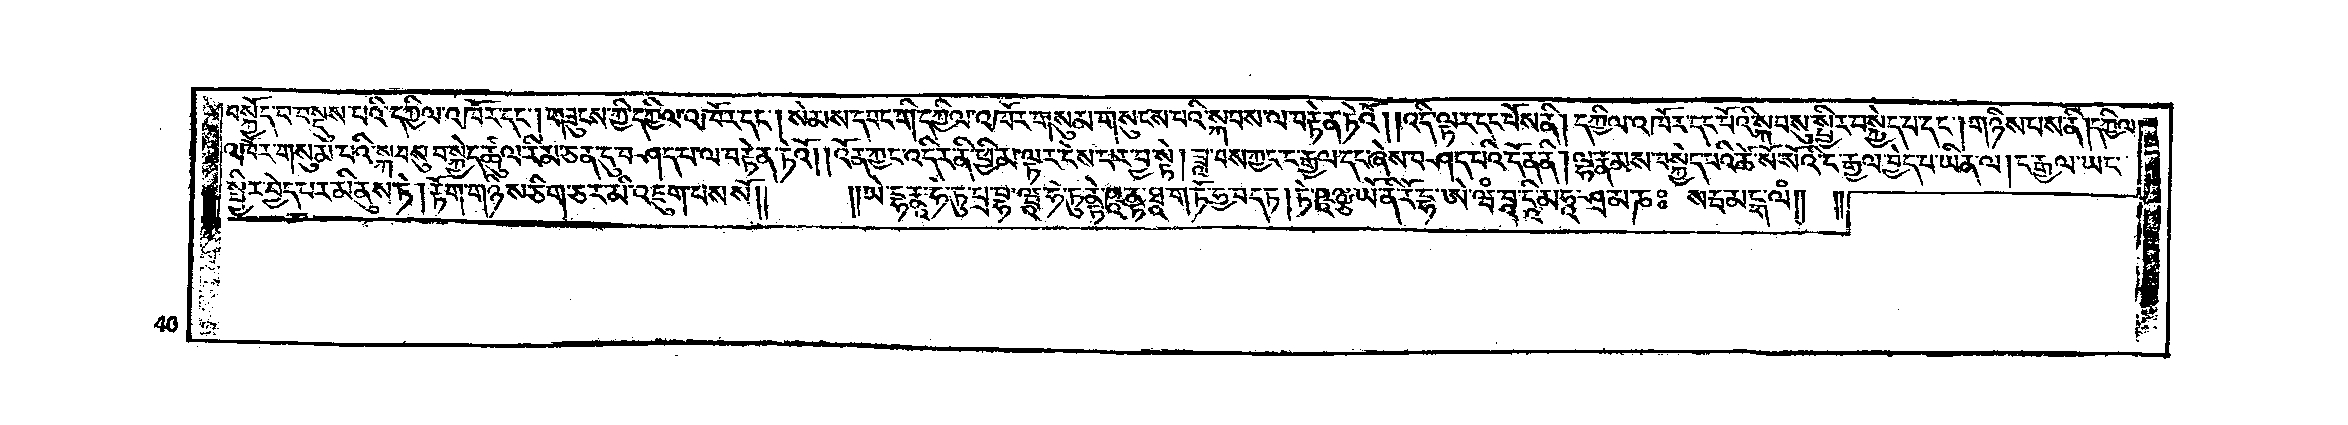བསྐྱོད་པ་བསྡུས་པའི་དཀྱིལ་འཁོར་དང་། གཟུངས་ཀྱི་དཀྱིལ་འཁོར་དང་། སེམས་དབང་གི་དཀྱིལ་འཁོར་གསུམ་གསུངས་པའི་སྐབས་ལ་བརྟེན་ཏེའོ། །འདི་ལྟར་དང་པོས་ནི། དཀྱིལ་འཁོར་དང་པོའི་སྐབས་སུ་སྤྱིར་བསྐྱེད་པ་དང་། གཉིས་པས་ནི། དཀྱིལ་
འཁོར་གསུམ་པའི་སྐབས་སུ་བསྐྱེད་ཚུལ་རིམ་ཅན་དུ་བཤད་པ་ལ་བརྟེན་ཏེའོ། །འོན་ཀྱང་འདིར་ནི་ཕྱི་མ་ལྟར་ངེས་པར་བྱ་སྟེ། ཟླ་བས་ཀྱང་ང་རྒྱལ་དང་ཞེས་བཤད་པའི་དོན་ནི། ལྷ་རྣམས་བསྐྱེད་པའི་ཚེ་སོ་སོའི་ང་རྒྱལ་བྱེད་པ་ཡིན་ལ། ང་རྒྱལ་ཡང་
སྤྱིར་བྱེད་པར་མི་ནུས་ཏེ། རྟོག་གཉིས་ཅིག་ཅར་མི་འཇུག་པས་སོ།། །།ཡེ་དྷརྨཱ་ཧེ་ཏུ་པྲ་བྷ་ཝཱ་ཧེ་ཏུ་ནྟེ་ཥཱནྟ་ཐཱ་ག་ཏོ་ཧཡ་བདྟ། ཏེ་ཥཱཉྩ་ཡོ་ནི་རོ་དྷ་ཨེ་ཝཾ་བཱ་དཱི་མཧཱ་ཤྲ་མ་ཎཿ སརྦ་མངྒ་ལཾ།། །།